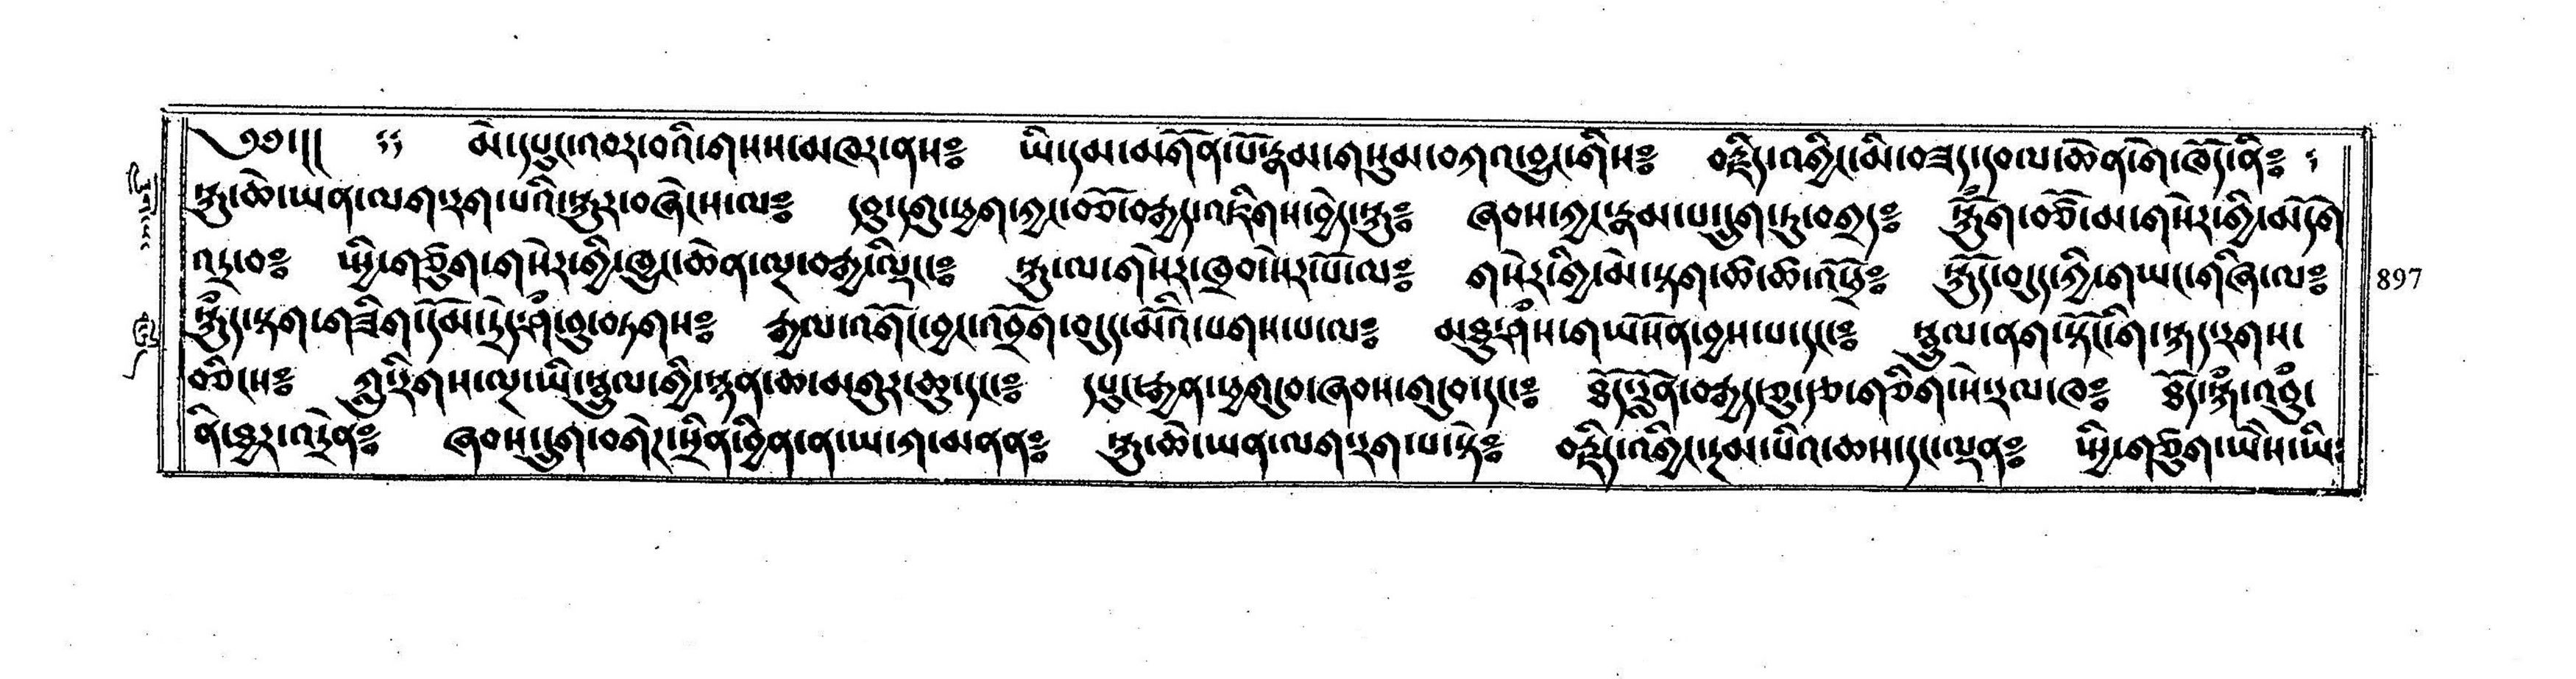མེ་དཔུང་འབར་བའི་གསས་མཁར་ནས༔ ཡི་དམ་མགོན་པོ་རྣམ་གསུམ་བཀའ་བྱུང་གིས༔ བརྗིད་འགྱིང་མི་བཟད་དབལ་ཆེན་གེ་ཁོད་ནི༔ 
སྐུ་ཆེ་ཡན་ལག་རག་པའི་སྐུར་བཞེངས་ལ༔ དབུ་དགུ་ཕྱག་ཀྱང་བཅོ་བརྒྱད་འཇིགས་བྱེད་སྐུ༔ ཞབས་ཀྱང་རྣམ་པ་དྲུག་ཏུ་བགྲད༔ སྐུ་མདོག་བཙོ་མ་གསེར་གྱི་མདོག་
འདྲ་བ༔ སྤྱི་གཙུག་གསེར་གྱི་ཁྱུང་ཆེན་ལྔ་བརྒྱ་ལྡིང་༔ སྐུ་ལ་གསེར་ཁྲབ་སེར་པོ་ལ༔ གསེར་གྱི་མེ་སྟག་ཚ་ཚ་འཕྲོ༔ སྐུ་སྟོད་བདུད་ཀྱི་གཡང་གཞི་ལ༔ 
སྐུ་སྨད་སྟག་གཟིག་དོམ་དྲེད་ཤཾ་བུ་བཏགས༔ རྒྱལ་འགོང་བྱང་འབྲོག་བདུད་མོའི་པགས་པ་ལ༔ མཐུ་ཤམས་གཡས་གཡོན་བྱས་པ་དང་༔ སྦྲུལ་ནག་སྟོང་གི་སྐད་རགས་
བཅིངས༔ ཀླུ་རིགས་ལྔ་ཡི་སྦྲུལ་གྱི་སྙན་ཆ་མགུར་ཆུ་དང་༔ དཔུང་རྒྱན་ཕྱག་གདུབ་ཞབས་གདུབ་དང་༔ ཐོད་རློན་བརྒྱད་ཅུ་རྩ་གཅིག་སེ་རལ་ཁ༔ ཐོད་སྐམ་འབུམ་
ནི་ཐུགས་ཀར་འདྲེན༔ ཞབས་དྲུག་བགེགས་སྲིན་བྱིན་ན་ཡ་ཀ་མནན༔ སྐུ་ཆེ་ཡན་ལག་རག་པ་སྟེ༔ བརྗིད་འགྱིང་རྔམ་པའི་ཆས་དང་ལྡན༔ སྤྱི་གཙུག་ཡེ་ཤེས་ཡི་